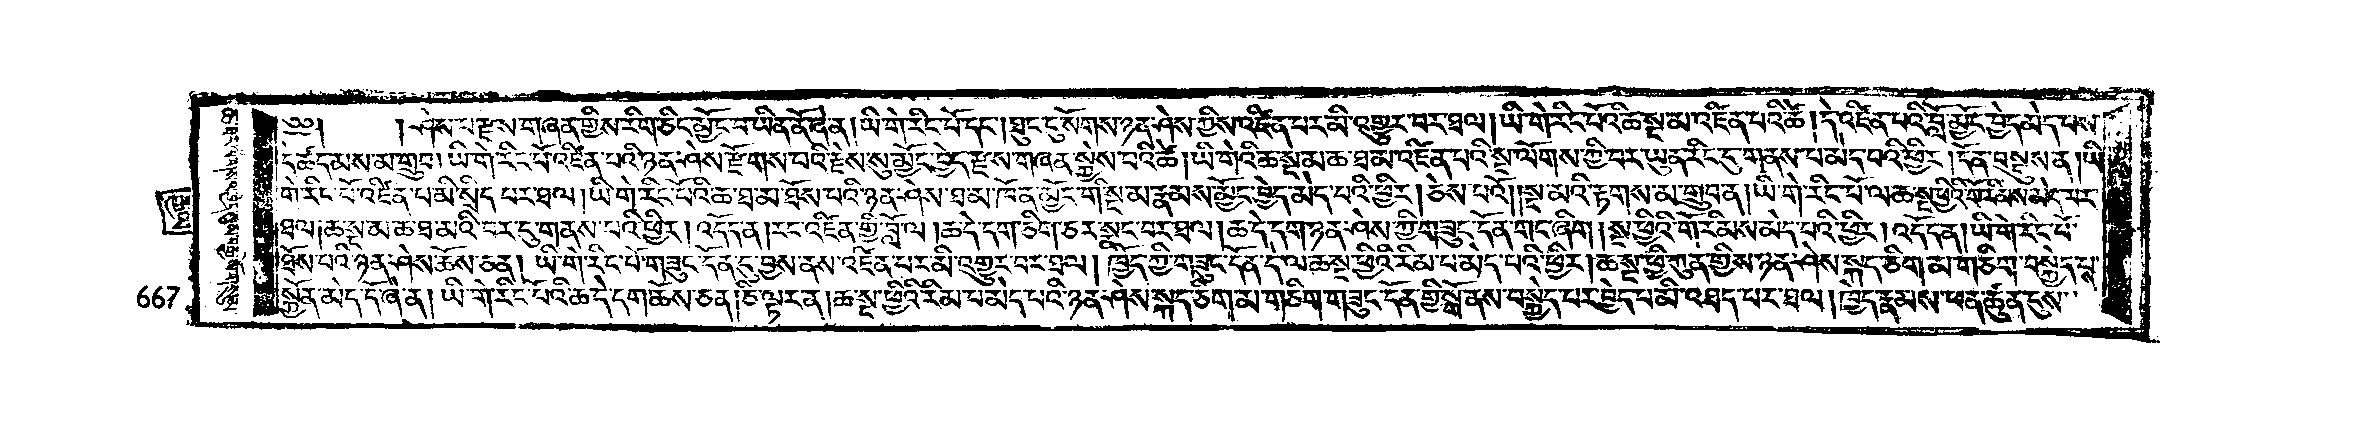༄༅། །ཤེས་པ་རྫེས་གཞན་གྱིས་རིག་ཅིང་མྱོང་བ་ཡིན་ནོ་ཞེ་ན། ཡི་གེ་རིང་པོ་དང་། ཐུང་ངུ་སོགས་ཉན་ཤེས་ཀྱིས་འཛིན་པར་མི་འགྱུར་བར་ཐལ། ཡི་གེ་རིང་པོའི་ཆ་སྔ་མ་འཛིན་པའི་ཚེ། དེ་འཛིན་པའི་བློ་མྱོང་བྱེད་མེད་པས་
དེ་ཚད་མས་མ་གྲུབ། ཡི་གེ་རིང་པོ་འཛིན་པའི་ཉན་ཤེས་རྫོགས་པའི་རྗེས་སུ་མྱོང་བྱེད་རྫས་གཞན་སྐྱེས་པའི་ཚེ། ཡི་གེའི་ཆ་སྔ་མ་ཆ་ཐ་མ་འཛིན་པའི་སྔ་ལོགས་ཀྱི་བར་ཡུན་རིང་དུ་གནས་པ་མེད་པའི་ཕྱིར། དོན་བསྡུས་ན། ཡི་
གེ་རིང་པོ་འཛིན་པ་མི་སྲིད་པར་ཐལ། ཡི་གེ་རིང་པོའི་ཆ་ཐ་མ་ཐོས་པའི་ཉན་ཤེས་ཐ་མ་ཁོ་ན་མྱོང་གི་སྔ་མ་རྣམས་མྱོང་བྱེད་མེད་པའི་ཕྱིར། ཅེས་པའོ། །སྔ་མའི་རྟགས་མ་གྲུབ་ན། ཡི་གེ་རིང་པོ་ལ་ཆ་སྔ་ཕྱིའི་གོ་རིམས་མེད་པར་
ཐལ། ཆ་སྔ་མ་ཆ་ཐ་མའི་བར་དུ་གནས་པའི་ཕྱིར། འདོད་ན། རང་འཛིན་གྱི་བློ་ལ་།ཆ་དེ་དག་ཅིག་ཅར་སྣང་བར་ཐལ། ཆ་དེ་དག་ཉན་ཤེས་ཀྱི་གཟུང་དོན་གང་ཞིག ། སྔ་ཕྱིའི་གོ་རིམས་མེད་པའི་ཕྱིར། འདོད་ན། ཡི་གེ་རིང་པོ་
ཐོས་པའི་ཉན་ཤེས་ཆོས་ཅན། ཡི་གེ་རིང་པོ་གཟུང་དོན་དུ་བྱས་ནས་འཛིན་པར་མི་འགྱུར་བར་ཐལ། ཁྱོད་ཀྱི་གཟུང་དོན་དེ་ལ་ཆ་སྔ་ཕྱིའི་རིམ་པ་མེད་པའི་ཕྱིར། ཆ་སྔ་ཕྱི་ཀུན་གྱིས་ཉན་ཤེས་སྐད་ཅིག་མ་གཅིག་བསྐྱེད་པས་
སྐྱོན་མེད་དོ་ཞེ་ན། ཡི་གེ་རིང་པོའི་ཆ་དེ་དག་ཆོས་ཅན། ཅི་ལྟར་ན། ཆ་སྔ་ཕྱིའི་རིམ་པ་མེད་པའི་ཉན་ཤེས་སྐད་ཅིག་མ་གཅིག་གཟུང་དོན་གྱི་སྒོ་ནས་བསྐྱེད་པར་བྱེད་པ་མི་འཐད་པར་ཐལ། ཁྱེད་རྣམས་ཕན་ཚུན་དུས་